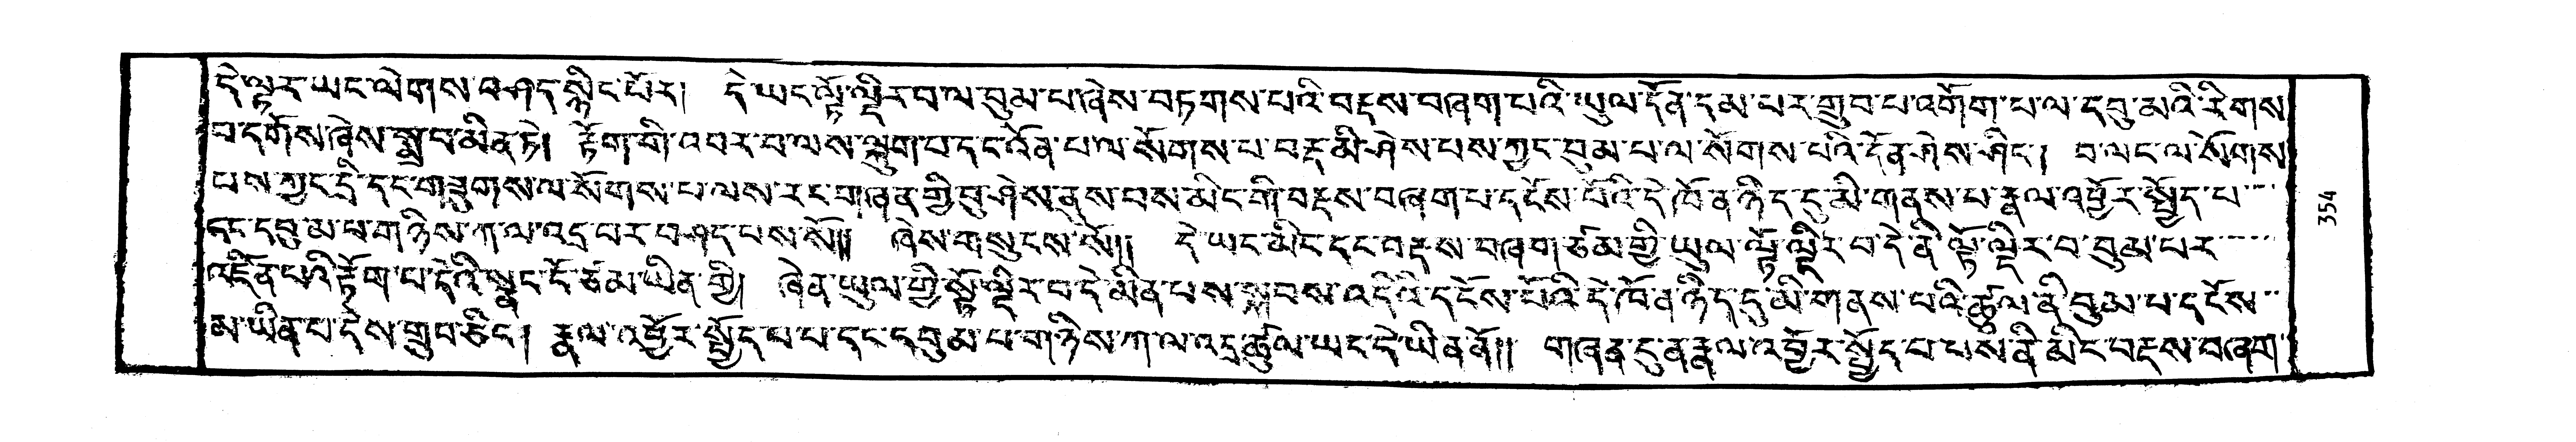དེ་ལྟར་ཡང་ལེགས་བཤད་སྙིང་པོར། དེ་ཡང་ལྟོ་ལྡིར་བ་ལ་བུམ་པ་ཞེས་བཏགས་པའི་བརྡས་བཞག་པའི་ཡུལ་དོན་དམ་པར་གྲུབ་པ་འགོག་པ་ལ་དབུ་མའི་རིགས་
པ་དགོས་ཞེས་སྨྲ་བ་མིན་ཏེ། རྟོག་གི་འབར་བ་ལས་ལྐུག་པ་དང་འོན་པ་ལ་སོགས་པ་བརྡ་མི་ཤེས་པས་ཀྱང་བུམ་པ་ལ་སོགས་པའི་དོན་ཤེས་ཤིང་། བ་ལང་ལ་སོགས་
པས་ཀྱང་དྲི་དང་གཟུགས་ལ་སོགས་པ་ལས་རང་གཞན་གྱི་བུ་ཤེས་ནུས་པས་མིང་གི་བརྡས་བཞག་པ་དངོས་པོའི་དེ་ཁོ་ན་ཉིད་དུ་མི་གནས་པ་རྣལ་འབྱོར་སྤྱོད་པ་
དང་དབུ་མ་པ་གཉིས་ཀ་ལ་འདྲ་པར་བཤད་པས་སོ།། ཞེས་གསུངས་སོ།། དེ་ཡང་མིང་དང་བརྡས་བཞག་ཙམ་གྱི་ཡུལ་ལྟོ་ལྡིར་བ་དེ་ནི་ལྟོ་ལྡིར་བ་བུམ་པར་
འཛིན་པའི་རྟོག་པ་དེའི་སྣང་ངོ་ཙམ་ཡིན་གྱི། ཞེན་ཡུལ་གྱི་སྟོ་ལྡིར་བ་དེ་མིན་པས་སྐབས་འདིའི་དངོས་པོའི་དེ་ཁོ་ན་ཉིད་དུ་མི་གནས་པའི་ཚུལ་ནི་བུམ་པ་དངོས་
མ་ཡིན་པ་དེས་གྲུབ་ཅིང་། རྣལ་འབྱོར་སྤྱོད་པ་བ་དང་དབུ་མ་པ་གཉིས་ཀ་ལ་འདྲ་ཚུལ་ཡང་དེ་ཡིན་ནོ།། གཞན་དུ་ན་རྣལ་འབྱོར་སྤྱོད་པ་པས་ནི་མིང་བརྡས་བཞག་